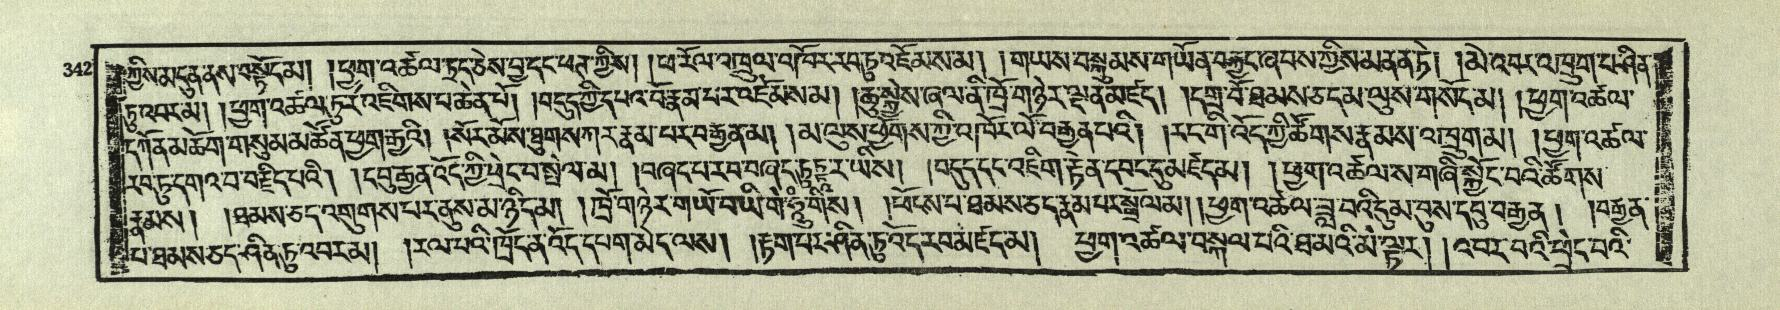ཀྱིས་མདུན་ནས་བསྟོད་མ། །ཕྱག་འཚལ་ཏྲད་ཅེས་བྱ་དང་ཕཌ་ཀྱིས། །ཕ་རོལ་འཁྲུལ་འཁོར་རབ་ཏུ་འཇོམས་མ། །གཡས་བསྐུམས་གཡོན་བརྐྱང་ཞབས་ཀྱིས་མནན་ཏེ། །མེ་འབར་འཁྲུག་པ་ཤིན་
ཏུ་འབར་མ། །ཕྱག་འཚལ་ཏུ་རེ་འཇིགས་པ་ཆེན་པོ། །བདུད་ཀྱི་དཔའ་བོ་རྣམ་པར་འཇོམས་མ། །ཆུ་སྐྱེས་ཞལ་ནི་ཁྲོ་གཉེར་ལྡན་མཛད། །དགྲ་བོ་ཐམས་ཅད་མ་ལུས་གསོད་མ། །ཕྱག་འཚལ་
དཀོན་མཆོག་གསུམ་མཚོན་ཕྱག་རྒྱའི། །སོར་མོས་ཐུགས་ཀར་རྣམ་པར་བརྒྱན་མ། །མ་ལུས་ཕྱོགས་ཀྱི་འཁོར་ལོ་བརྒྱན་པའི། །རང་གི་འོད་ཀྱི་ཚོགས་རྣམས་འཁྲུག་མ། །ཕྱག་འཚལ་
རབ་ཏུ་དགའ་བ་བརྗིད་པའི། །དབུ་རྒྱན་འོད་ཀྱི་ཕྲེང་བ་སྤེལ་མ། །བཞད་པ་རབ་བཞད་ཏུ་ཏྟཱ་ར་ཡིས། །བདུད་དང་འཇིག་རྟེན་དབང་དུ་མཛད་མ། །ཕྱག་འཚལ་ས་གཞི་སྐྱོང་བའི་ཚོགས་
རྣམས། །ཐམས་ཅད་འགུགས་པར་ནུས་མ་ཉིད་མ། །ཁྲོ་གཉེར་གཡོ་བ་ཡི་གེ་ཧཱུཾ་གིས། །ཕོངས་པ་ཐམས་ཅད་རྣམ་པར་སྒྲོལ་མ། །ཕྱག་འཚལ་ཟླ་བའི་དུམ་བུས་དབུ་བརྒྱན། །བརྒྱན་
པ་ཐམས་ཅད་ཤིན་ཏུ་འབར་མ། །རལ་པའི་ཁྲོད་ན་འོད་དཔག་མེད་ལས། །རྟག་པར་ཤིན་ཏུ་འོད་རབ་མཛད་མ། ཕྱག་འཚལ་བསྐལ་པའི་ཐ་མའི་མེ་ལྟར། །འབར་བའི་ཕྲེང་བའི་